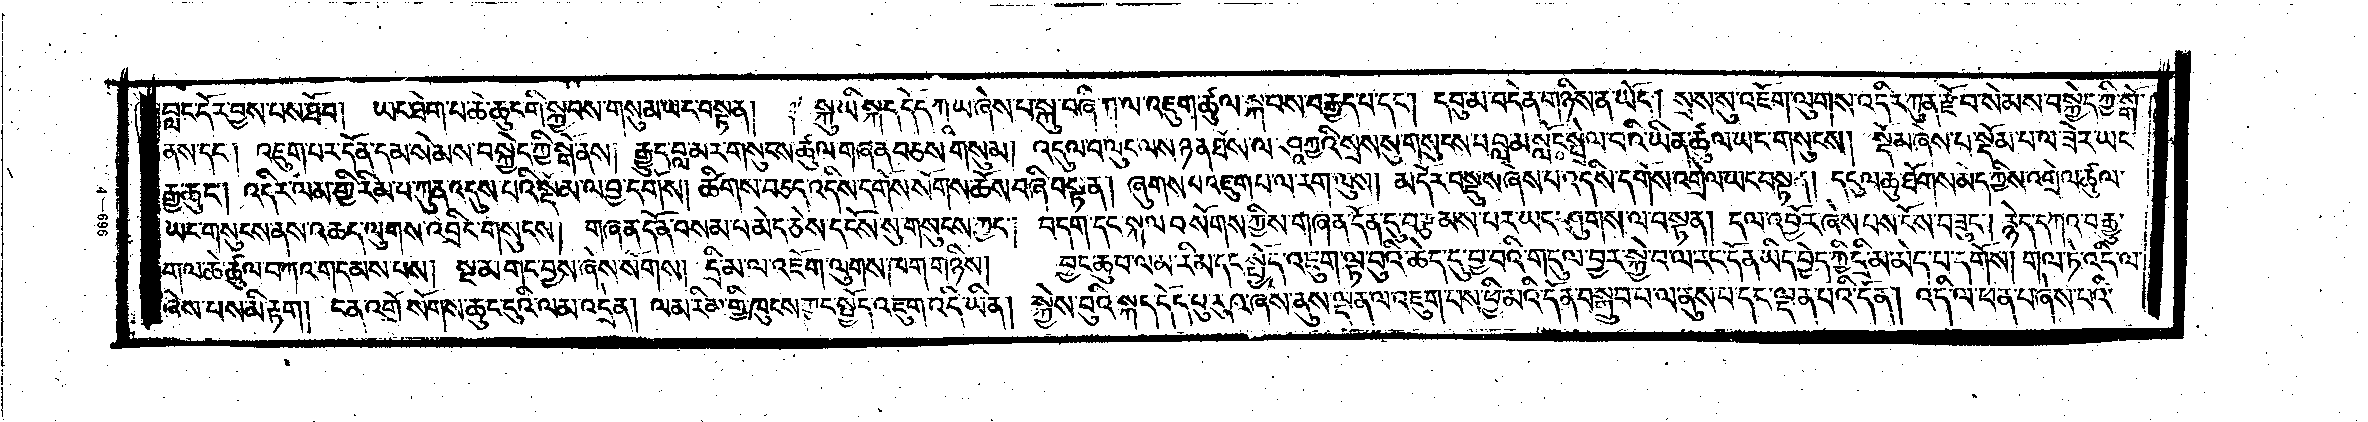བླང་དོར་བྱས་པས་ཐོབ། ཡང་ཐེག་པ་ཆེ་ཆུང་གི་སྐྱབས་གསུམ་ཡང་བསྟན། ༈ སྐུ་ཡི་སྐད་དོད་ཀཱ་ཡ་ཞེས་པ་སྐུ་བཞི་ཀ་ལ་འཇུག་ཚུལ་སྐབས་བརྒྱད་པ་དང་། དབུ་མ་བདེན་གཉིས་ན་ཡོད། སྲས་སུ་འཇོག་ལུགས་འདིར་ཀུན་རྫོབ་སེམས་བསྐྱེད་ཀྱི་སྒོ་
ནས་དང་། འཇུག་པར་དོན་དམ་སེམས་བསྐྱེད་ཀྱི་སྒོ་ནས། རྒྱུད་བླ་མར་གསུངས་ཚུལ་གཞན་བཅས་གསུམ། འདུལ་བ་ལུང་ལས་ཉན་ཐོས་ལ་ཤཱཀྱའི་སྲས་སུ་གསུངས་པ་བླ་མ་སློང་སྤྲེལ་བའི་ཡིན་ཚུལ་ཡང་གསུངས། སྡོམ་ཞེས་པ་སྡོམ་པ་ལ་ཟེར་ཡང་
རྒྱ་ཆུང་། འདིར་ལམ་གྱི་རིམ་པ་ཀུན་འདུས་པའི་སྡོམ་ལ་བྱ་དགོས། ཚིགས་བཅད་འདིས་དགོས་སོགས་ཆོས་བཞི་བསྟན། ཞུགས་པ་འཇུག་པ་ལ་རག་ལུས། མདོར་བསྡུས་ཞེས་པ་འདིས་དགོས་འགྲེལ་ཡང་བསྟན། དངུལ་ཆུ་ཐོགས་མེད་ཀྱིས་འགྲེལ་ཚུལ་
ཡང་གསུངས་ནས་འཆད་ལུགས་འབྲིང་གསུངས། གཞན་དོན་བསམ་པ་མེད་ཅེས་དངོས་སུ་གསུངས་ཀྱང་། བདག་དང་སྐལ་བ་སོགས་ཀྱིས་གཞན་དོན་དུ་བརྩམས་པར་ཡང་ཤུགས་ལ་བསྟན། དལ་འབྱོར་ཞེས་པས་ངོས་བཟུང་། རྙེད་དཀའ་བརྒྱུ་
གལ་ཆེ་ཚུལ་བཀའ་གདམས་པས། སྔ་མ་གང་བྱས་ཞེས་སོགས། དྲི་མ་ལ་འཇོག་ལུགས་ཁག་གཉིས། བྱང་ཆུབ་ལམ་རིམ་དང་སྤྱོད་འཇུག་ལྟ་བུའི་ཆེད་དུ་བྱ་བའི་གདུལ་བྱར་སྐྱེ་བ་ལ་རང་དོན་ཡིད་བྱེད་ཀྱི་དྲི་མ་མེད་པ་དགོས། གལ་ཏེ་འདི་ལ་
ཞེས་པས་མི་རྟག །ངན་འགྲོ་སོགས་ཆུང་ངུའི་ལམ་འདྲེན། ལམ་རིམ་གྱི་ཁུངས་ཀྱང་སྤྱོད་འཇུག་འདི་ཡིན། སྐྱེས་བུའི་སྐད་དོད་པུ་རུ་ཥ་ཞེས་ནུས་ལྡན་ལ་འཇུག་པས་ཕྱི་མའི་དོན་བསྒྲུབ་པ་ལ་ནུས་པ་དང་ལྡན་པའི་དོན། འདི་ལ་ཕན་པ་ཞེས་པའི་